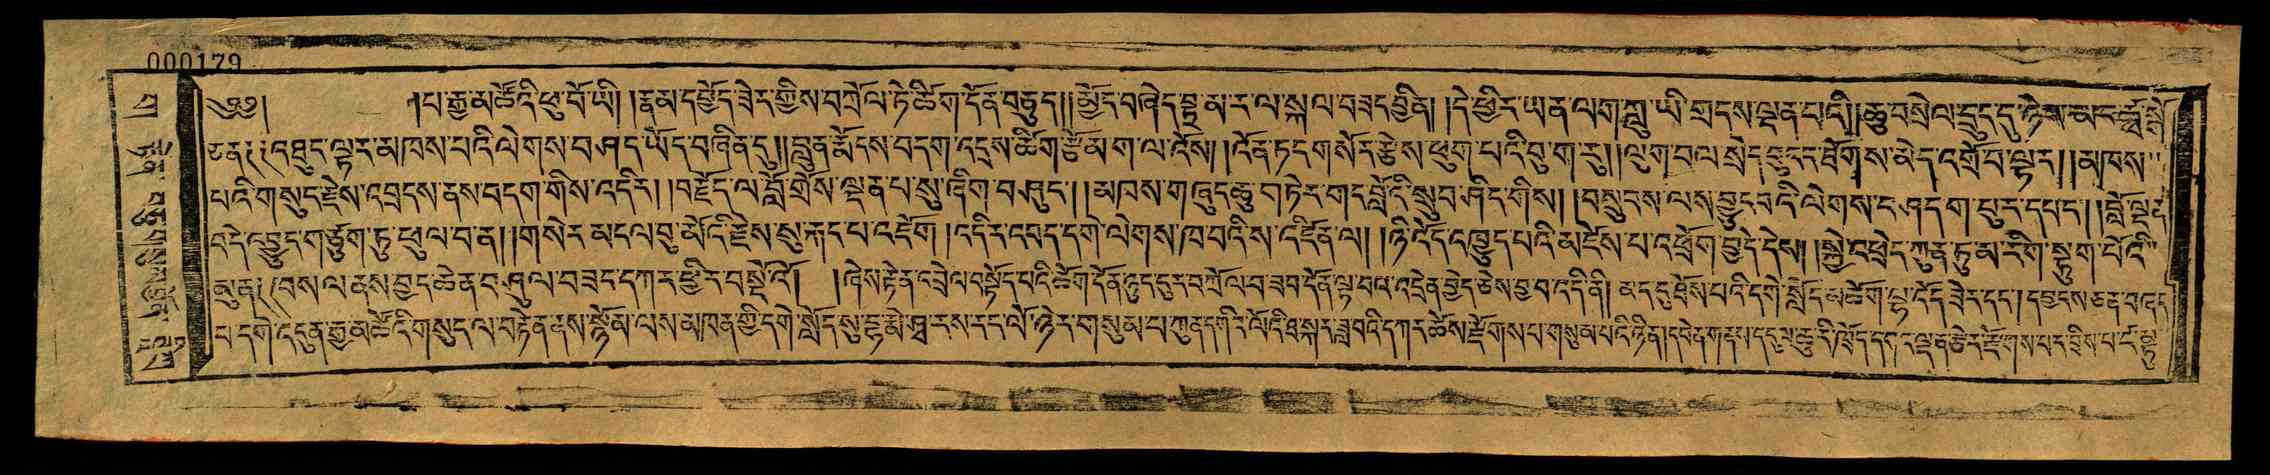༄༅། །པ་རྒྱ་མཚོའི་ཕུ་པོ་ཡི། །རྣམ་དཔྱོད་ཟེར་གྱིས་བཀྲོལ་ཏེ་ཚིག་དོན་བཅུད། །མྱོང་བཞེད་བྷྲ་མ་ར་ལ་སྐལ་བཟང་བྱིན། །དེ་ཕྱིར་ཡན་ལག་ཀླུ་ཡི་གྲངས་ལྡན་པའི། །ཆུ་བསྲེལ་དྲུང་དུ་ཉེས་མང་ཚྭ་སྒོ་
ཅན། །འཐུང་ལྟར་མཁས་པའི་ལེགས་བཤད་ཡོད་བཞིན་དུ། །བླུན་རྨོངས་བདག་འདྲས་ཚིག་རྩོམ་ག་ལ་འོས། །འོན་ཏང་གསོར་རྩེས་ཕུག་པའི་བུ་ག་རུ། །ལུག་བལ་སྲེད་བུའང་ཐོགས་མེད་འགྲོ་བ་ལྟར། །མཁས་
པའི་གསུང་རྗེས་འབྲངས་ནས་བདག་གིས་འདིར། །བརྗོད་ལ་བློ་གྲོས་ལྡན་པ་སུ་ཞིག་བཤད། །མཁས་གཞུང་ཆུ་གཏེར་གང་བློའི་སྲུབ་ཤིང་གིས། །བསྲུབས་ལས་བྱུང་བའི་ལེགས་བཤད་ག་བུར་དབང་། །བློ་ལྡན་
བདེ་འབྱུང་གཙུག་ཏུ་ཕུལ་བ་ན། །གསེར་མངལ་བུ་མོའི་རྗེས་སུ་རྐང་པ་འཇོག །འདིར་འབད་དགེ་ལེགས་ཁ་བའི་ས་འཛིན་ལ། །ཉི་འོད་འཁྱུད་པའི་མཛེས་པ་འཕྲོག་བྱེད་དེས། །སྐྱེ་འཕྲེང་ཀུན་ཏུ་མ་རིག་སྟུག་པོའི་
མུན། །བསལ་ནས་བྱང་ཆེན་བཤུལ་བཟང་དཀར་ཕྱིར་བསྔོའོ། །ཞེས་རྟེན་འབྲེལ་བསྟོད་པའི་ཆོ་ག་དོན་ཉུང་ངུར་བཀྲོལ་བ་ཟབ་དོན་ལྟ་བའི་འདྲེན་བྱེད་ཅེས་བྱ་བ་འདི་ནི། མང་དུ་ཐོས་པའི་དགེ་སློང་མཆོག་ལྷ་འོད་ཟེར་དང་། དབྱངས་ཅན་བཞད་
པ་དགེ་འདུན་རྒྱ་མཚོའི་གསུང་ལ་བརྟེན་ནས་སྙོམ་ལས་མཁན་གྱི་དགེ་སློང་སུ་དྷརྨེ་ཤྭ་རས་རང་ལོ་ཉེར་གསུམ་པ་ཀུན་དགའི་ལོའི་ཐ་སྐར་ཟླ་བའི་དཀར་ཚེས་རྫོགས་པ་གསུམ་པའི་ཉིན། དབེན་གནས་དངུལ་ཆུ་རི་ཁྲོད་དུ་སུག་བྲིས་སུ་རྫོགས་པར་བྲིས་པ་ཛ་ཡ་ལྟུ།